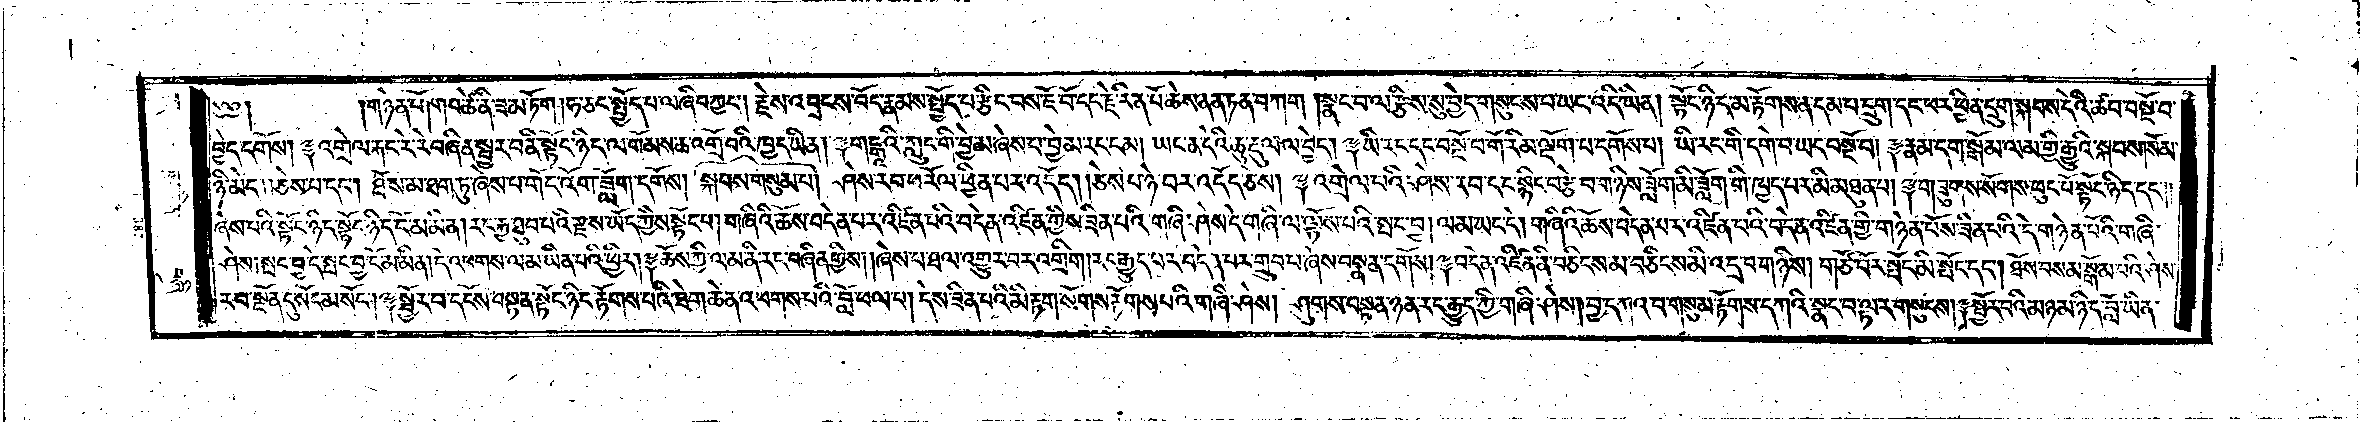༄༅། །གཉེན་པོ། གབ་ཚེ་ནི་ཟམ་ཏོག །ཧ་ཅང་སྤྱོད་པ་ལ་ཞིབ་ཀྱང་། རྗེས་འབྲངས་བོད་རྣམས་སྤྱོད་པ་རྩིང་བས་ཇོ་བོ་དང་རྗེ་རིན་པོ་ཆེས་ནན་ཏན་བཀག །སྣང་བ་ལ་རྩིས་སུ་བྱེད་གསུངས་པ་ཡང་འདི་ཡིན། སྟོང་ཉིད་མ་རྟོགས་ན་དམ་པ་དྲུག་དང་ཕར་ཕྱིན་དྲུག་སྐབས་དེའི་ཚབ་བསྔོ་བ་
བྱེད་དགོས། ༈ འགྲེལ་རྐང་རེ་རེ་བཞིན་སྦྱར་བ་ནི་སྟོང་ཉིད་ལ་གོམས་ཆ་འགྲོ་བའི་ཁྱད་ཡིན། ༈ གངྒཱའི་ཀླུང་གི་བྱེ་མ་ཞེས་བ་བྱེ་མ་རང་ངམ། ཡང་ན་དེའི་ཆུ་རྔུལ་ལ་བྱེད། ༈ ཡི་རང་དང་བསྔོ་བ་གོ་རིམ་ལྡོག་པ་དགོས་པ། ཡི་རང་གི་དགེ་བ་ཡང་བསྔོ་བ། ༈ རྣམ་དག་སྒོམ་ལམ་གྱི་རྒྱུའི་སྐབས་སོམ་
ཉི་མེད། །ཅེས་པ་དང་། ཐོས་མ་ཐག་ཏུ་ཞེས་པ་གོང་འོག་ཟློག་དགོས། སྐབས་གསུམ་པ། ཤེས་རབ་ཕ་རོལ་ཕྱིན་པར་འདོད། །ཅེས་པ་ཉེ་བར་འདོད་ཅེས། ༈ འགྲེལ་བའི་ཤེས་རབ་དང་སྙིང་བརྩེ་བ་གཉིས་ཟློག་མི་ཟློག་གི་ཁྱད་པར་མི་མཐུན་པ། ༈ གཟུགས་སོགས་ཕུང་པོ་སྟོང་ཉིད་དང།།
ཞེས་པའི་སྟོང་ཉིད་སྟོང་ཉིད་ངོ་མ་མིན། རང་རྐྱ་ཐུབ་པའི་རྫས་ཡོད་ཀྱིས་སྟོང་བ། གཞིའི་ཆོས་བདེན་པར་འཛིན་པའི་བདེན་འཛིན་གྱིས་ཟིན་པའི་གཞི་ཤེས་དེ་གཞི་ལ་ལྟོས་པའི་སྤང་བྱ། ལམ་ཡང་དེ། གཞིའི་ཆོས་བདེན་པར་འཛིན་པའི་བདེན་འཛིན་གྱི་གཉེན་པོས་ཟིན་པའི་དེ་གཉེན་པོའི་གཞི་
ཤེས༑ སྤང་བྱ་དེ་སྤང་བྱ་ངོ་མ་མིན། དེ་འཕགས་ལམ་ཡིན་པའི་ཕྱིར། ༈ ཆོས་ཀྱི་ལམ་ནི་རང་བཞིན་གྱིས། །ཞེས་པ་ཐལ་འགྱུར་བར་འགྲིག །རང་རྒྱུད་བར་བདེན་པར་གྲུབ་པ་ཞེས་བསྣན་དགོས། ༈ བདེན་འཛིན་ནི་བཅིང་མ་བཅིངས་མི་འདྲ་བ་གཉིས། གཙོ་བོར་སྤོང་མི་སྤོང་དང་། ཐོས་བསམ་སྒོམ་པའི་ཤེས་
རབ་སྔོན་དུ་སོང་མ་སོང་། ༈ སྦྱོར་བ་དངོས་བསྟན་སྟོང་ཉིད་རྟོགས་པའི་ཐེག་ཆེན་འཕགས་པའི་བློ་ཕལ་བ། དེས་ཟིན་པའི་མི་རྟག་སོགས་རྟོགས་པའི་གཞི་ཤེས། ཤུགས་བསྟན་ཉན་རང་རྒྱུད་ཀྱི་གཞི་ཤེས། བྱ་དཀའ་བ་གསུམ་རྟོགས་དཀའི་སྣང་བ་ལྟར་གསུངས། ༈ སྦྱོར་བའི་མཉམ་ཉིད་བློ་ཡིན་